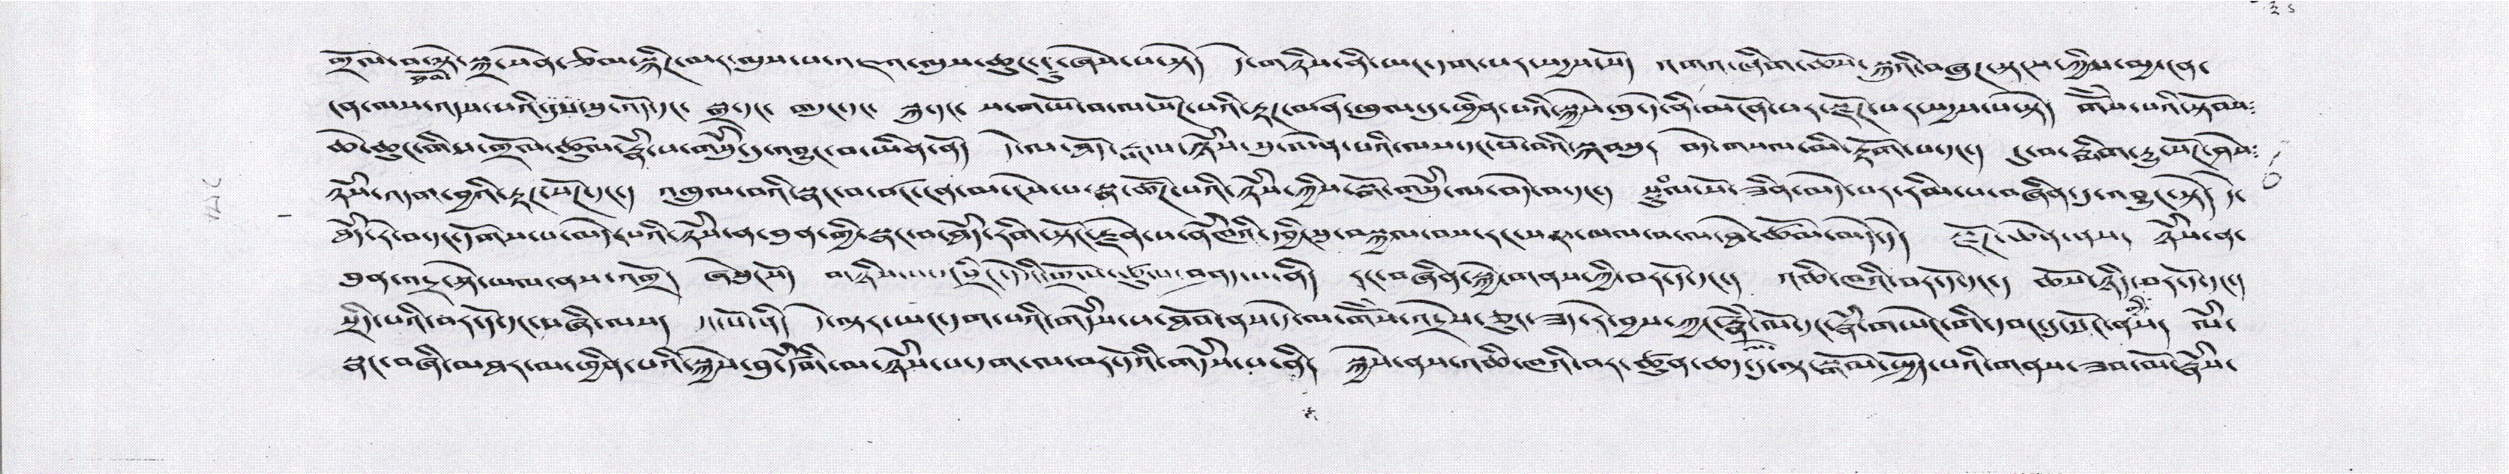གྲོལ་བ་ཐོབ་སྟེ་སྐྲ་སེན་ཙམ་སྙིགས་མར་ལུས་པ་འཇའ་ལུས་ཆུང་ངུ་ཞེས་པ་སྟེ། དེ་གཉིས་ནི་ཡང་དག་པར་སངས་རྒྱས་སོ། འགའ་ཞིག་ཆོས་སྐུའི་བཞུགས་སྟངས་ཀྱིས་མྱ་ངན་
ལས་འདས་པའི་དུས་སུ་འོད་དང། སྒྲ་དང། སྐུ་དང། ས་གཡོ་བ་ལ་སོགས་པའི་རྟགས་མཚན་ཕུལ་དུ་ཕྱིན་པའི་སྐྱེས་བུ་དེ་ནི་མངོན་པར་རྫོགས་པར་སངས་རྒྱས་པ་སྟེ། གོམས་པའི་སྟོབས་
ཆེ་ཆུང་གིས་གྲོལ་ཚུལ་རྣམ་པ་གསུམ་དུ་འབྱུང་བ་ཡིན་ནོ། དེ་ལ་ཐོད་རྒལ་ཉམས་སུ་ལེན་པའི་ལས་དང་པོ་བའི་སྐབས་སུ། བདེ་གསལ་མི་རྟོག་པ་དང། དུ་བ་རྨིག་རྒྱུ་སོགས་ཤེས་རབ་
ཉམས་འདག་བྱའི་རྟགས་སོགས་དང། འཁྲུལ་བའི་སྣང་བ་བཟང་ངན་མ་ངེས་པ་སྣ་ཚོགས་པའི་ཉམས་ཀྱིས་སྒོ་གསུམ་ལ་བདེ་བ་དང། སྡུག་བསྔལ་སོ་ཟིན་མེད་པར་རིམ་པ་བཞིན་དུ་འབྱུང་སྟེ། དེ་
ཐམས་ཅད་རེ་བ་དང་དགོས་པ་མེད་པར་སའི་ཉམས་ན་བུན་གྱི་སྣང་བ་ཐམས་ཅད་རིག་སྟོང་རྗེན་པ་ནམ་མཁའི་དབྱིངས་སུ་བསྐྱལ་བས་རང་སར་མལ་བ་ལ་ཐེ་ཚོམ་མེད་དེ། རྫོགས་ཆེན་ནས། ཉམས་ན་
བུན་འདྲ་སྟེ་ཡལ་ནས་འགྲོ། ཞེས་གསུངས་སོ། གཉིས་པས་འབྲིང་དེའི་གྲོལ་ཚུལ་བཤད་པ་ནི། རང་བཞིན་སྐྱེ་གནས་ཀྱི་བར་དོ་དང། འཆི་ཁའི་བར་དོ་དང། ཆོས་ཉིད་ཀྱི་བར་དོ་དང། 
སྲིད་པའི་བར་དོ་དང་བཞི་ལས། དང་པོ་ནི། དེ་ལྟར་ཡང་དག་པའི་གདམས་པ་ཐོབ་ནས་དེ་ལ་གོམས་འདྲིས་ཅུང་ཟད་རེ་བྱས་ཀྱང་རྣམ་ལེ་ལོ་དང་རྣམ་གཡེང་གི་དབང་དུ་སོང་ནས། ལམ་
སྣང་བཞི་མཐར་མ་ཕྱིན་པའི་སྐྱེས་བུ་དམ་ཚིག་གི་མ་ཉམས་པ་དག་ལ་བར་དོའི་གདམས་པ་ནི། སྐྱེས་ནས་འཆི་ཁའི་བར་ཚུན་ཆད་དུ་ལྟ་སྒོམ་སྤྱོད་པའི་གནས་ཟབ་མོ་རྣམས་